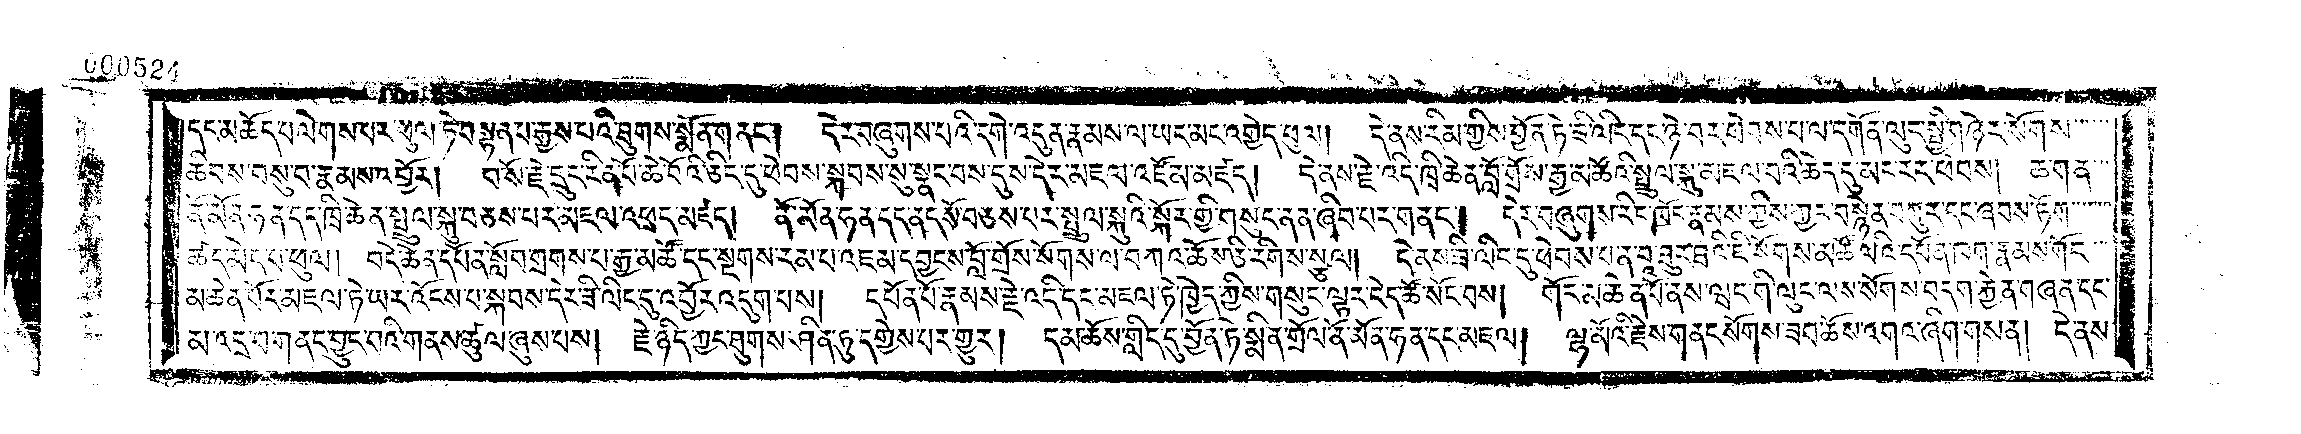དང་མཆོད་པ་ལེགས་པར་ཕུལ་ཏེ་བསྟན་པ་རྒྱས་པའི་ཐུགས་སྨོན་གནང་། དེར་བཞུགས་པའི་དགེ་འདུན་རྣམས་ལ་ཡང་མང་འགྱེད་ཕུལ། དེ་ནས་རིམ་གྱིས་བྱོན་ཏེ་ཟི་ལིང་དང་ཉེ་བར་ཕེབས་པ་ལ་དགོན་ལུང་སྤྱི་གཉེར་སོགས་
ཆི་བས་བསུ་བ་རྣམས་འབྱོར། བ་སོ་རྗེ་དྲུང་རིན་པོ་ཆེ་བོའི་ཅིང་དུ་ཕེབས་སྐབས་སུ་སྣང་བས་དུས་དེར་མཇལ་འཛོམ་མཛད། དེ་ནས་རྗེ་འདི་ཁྲི་ཆེན་བློ་གྲོས་རྒྱ་མཚོའི་སྤྲུལ་སྐུ་མཇལ་བའི་ཆེད་དུ་མང་རར་ཕེབས། ཆ་གན་
ནོ་མོན་ཧན་དང་ཁྲི་ཆེན་སྤྲུལ་སྐུ་བཅས་པར་མཇལ་འཕྲད་མཛད། ནོ་མོན་ཧན་དང་ནད་སོ་བཅས་པར་སྤྲུལ་སྐུའི་སྐོར་གྱི་གསུང་ནན་ཞིབ་པར་གནང་། དེར་བཞུགས་རིང་ཁོང་རྣམས་ཀྱིས་ཀྱང་བསྙེན་བཀུར་དང་ཞབས་ཏོག་
ཚད་མེད་པ་ཕུལ། བདེ་ཆེན་དཔོན་སློབ་གྲགས་པ་རྒྱ་མཚོ་དང་སྔགས་རམ་པ་འཇམ་དབྱངས་བློ་གྲོས་སོགས་ལ་བཀའ་ཆོས་ཅི་རིགས་སྩལ། དེ་ནས་ཟི་ལིང་དུ་ཕེབས་པ་ན་པཱ་ཐུར་ཐའི་ཇི་སོགས་མཚོ་ཁའི་དཔོན་ཁག་རྣམས་གོང་
མ་ཆེན་པོར་མཇལ་ཏེ་ཡར་འོངས་པ་སྐབས་དེར་ཟི་ལིང་དུ་འབྱོར་འདུག་པས། དཔོན་པོ་རྣམས་རྗེ་འདི་དང་མཇལ་ཏེ་ཁྱེད་ཀྱིས་གསུང་ལྟར་ངེད་ཚོ་སོང་བས། གོང་མ་ཆེན་པོ་ནས་ཝང་གི་ལུང་ལས་སོགས་བདག་རྐྱེན་གཞན་དང་
མ་འདྲ་བ་གནང་བྱུང་བའི་གནས་ཚུལ་ཞུས་པས། རྗེ་ཉིད་ཀྱང་ཐུགས་ཤིན་ཏུ་དགྱེས་པར་གྱུར། དམ་ཆོས་གླིང་དུ་བྱོན་ཏེ་སྨིན་གྲོལ་ནོ་མོན་ཧན་དང་མཇལ། ལྷ་མོའི་རྗེས་གནང་སོགས་ཟབ་ཆོས་འགའ་ཞིག་གསན། དེ་ནས་